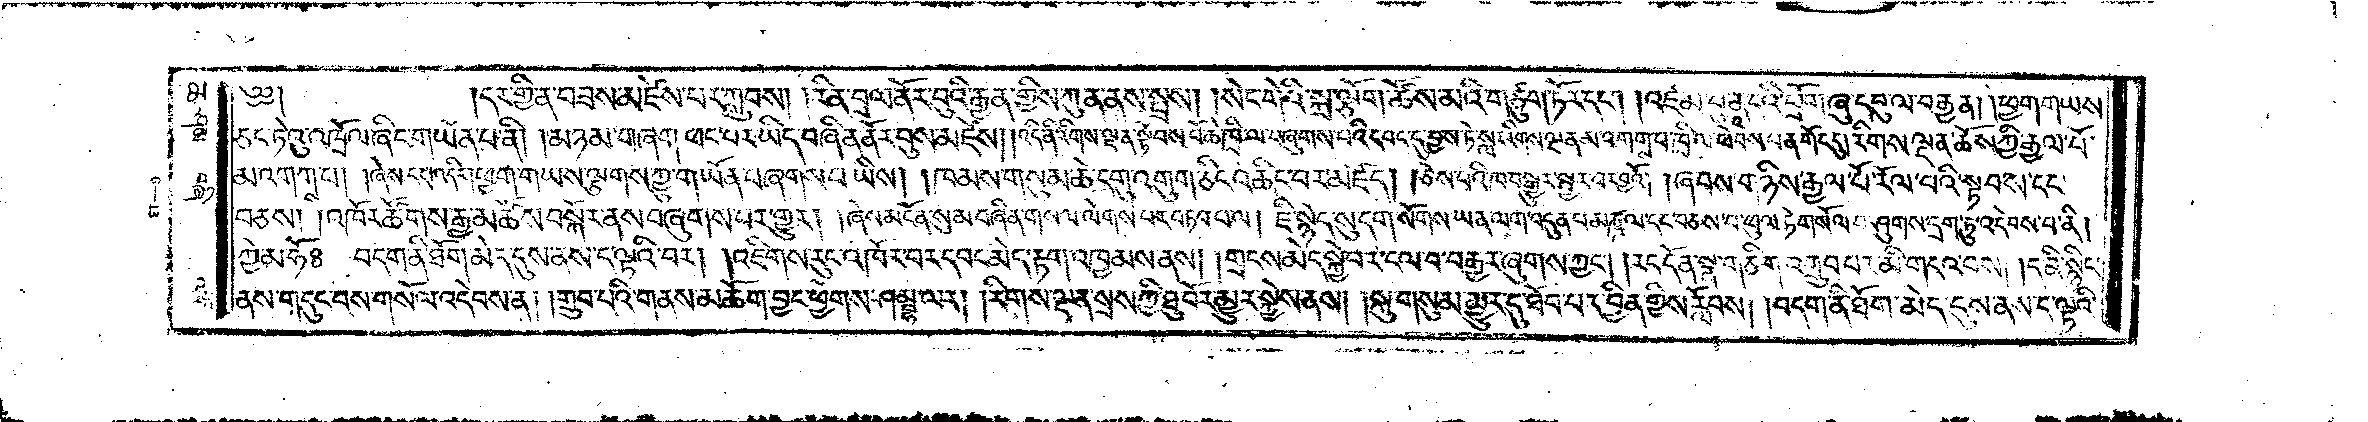༄༅། །དར་གྱི་ན་བཟས་མཛེས་པར་ཀླུབས། །རིན་བྲལ་ནོར་བུའི་རྒྱན་གྱིས་ཀུན་ནས་སྤྲས། །སེང་གེའི་སྐྲ་ལྕོག་ཚོས་མའི་གཙུག་ཏོར་དང་། །འཛམ་བུ་ནཱ་ངའི་བྲོག་ཞུ་དབུ་ལ་བརྒྱན། །ཕྱག་གཡས་
ཅང་ཏེའུ་འཁྲོལ་ཞིང་གཡོན་པ་ནི། །མཉམ་གཞག་ཕང་པར་ཡིད་བཞིན་ནོར་བུས་མཛེས། །འདི་ནི་རིགས་ལྡན་སྟོབས་པོ་ཆེ་ཁྲི་ལ་བཞུགས་པའི་དབང་དུ་བྱས་ཏེ་སླར་རིགས་ལྡན་མ་འགགས་པ་ཁྲིལ་ཕེབས་པན་གོང་དུ།  རིགས་ལྡན་ཆོས་ཀྱི་རྒྱལ་པོ་
མ་འགགས་པ། །ཞེས་དབ་འདིག་ཕྱག་གཡས་ལྕགས་ཀྱུ་གཡོན་པ་ཞགས་པ་ཡིས། །ཁམས་གསུམ་ཆེ་དགུ་འགུག་ཅིང་འཆིང་བར་མཛད། །ཅེས་པའི་ཁ་བསྒྱུར་སྦྱར་བར་བྱའོ།  །ཞབས་གཉིས་རྒྱལ་པོ་རོལ་པའི་སྟབས་དང་
བཅས། །འཁོར་ཚོགས་རྒྱ་མཚོས་བསྐོར་ནས་བཞུགས་པར་གྱུར། །ཞེས་མངོན་སུམ་བཞིན་གསལ་ལེགས་པར་བཏབ་པ་ལ། ཇི་སྙེད་སུ་དག་སོགས་ཡན་ལག་བདུན་པ་མཎྚལ་དང་བཅས་པ་ཕུལ་ཏེ་གསོལ་བཤུགས་དྲག་ཏུ་འདེབས་པ་ནི།
ཀྱེ་མ་ཧོཿ བདག་ནི་ཐོག་མེད་དུས་ནས་ད་ལྟའི་བར། །འཇིགས་རུང་འཁོར་བར་དབང་མེད་རྟག་འཁྱམས་ནས། །གྲངས་མེད་སྐྱེ་བར་ངལ་བ་བརྒྱར་ཞུགས་ཀྱང་། །རང་དོན་སྣ་གཅིག་འགྲུབ་པར་མི་གདའ་བས། །ད་ནི་སྙིང་
ནས་གདུང་བས་གསོལ་འདེབས་ན། །གྲུབ་པའི་གནས་མཆོག་བྱང་ཕྱོགས་ཤམྦྷ་ལར། །རིགས་ལྡན་སྲས་ཀྱི་ཐུ་བོར་མྱུར་སྐྱེས་ནས། །སྐུ་གསུམ་མྱུར་དུ་ཐོབ་པར་བྱིན་གྱིས་རློབས། །བདག་ནི་ཐོག་མེད་དུས་ནས་ད་ལྟའི་